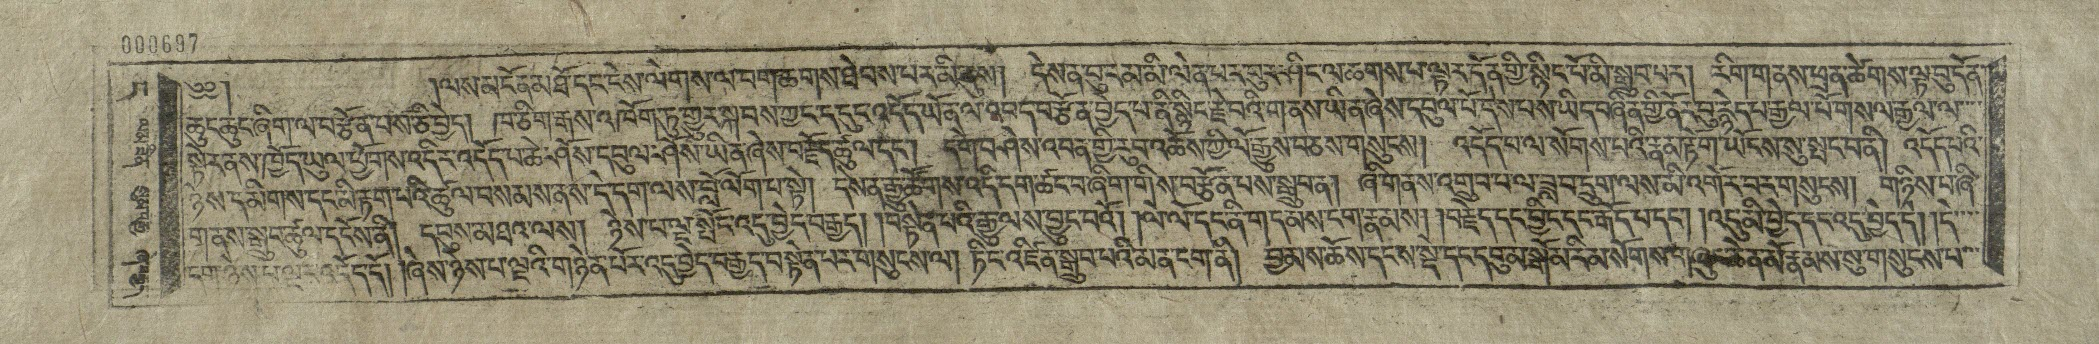༄༅། །ལས་མངོན་མཐོ་དང་ངེས་ལེགས་ལ་བག་ཆགས་ཐེབས་པར་མི་ནུས། དེས་ན་བུ་རམ་མི་ལེན་པར་བུར་ཤིང་ལ་ཆགས་པ་ལྟར་དོན་གྱི་སྙིང་པོ་མི་སྒྲུབ་པར། རིག་གནས་ཕྲན་ཚེགས་ལྟ་བུ་དོན་
ཆུང་ཆུང་ཞིག་ལ་བརྩོན་པས་ཅི་བྱེད། ཁ་ཅིག་རྒས་འཁོག་ཏུ་གྱུར་སྐབས་ཀྱང་ད་དུང་འདོད་ཡོན་ལ་འབད་བརྩོན་བྱེད་པ་ནི་སྙིང་རྗེ་བའི་གནས་ཡིན་ཞེས་དབུལ་པོ་དེས་པས་ཡིད་བཞིན་གྱི་ནོར་བུ་རྙེད་པ་རྒྱལ་པོ་གསལ་རྒྱལ་ལ་
སྟེར་ནས་ཁྱོད་ཡུལ་ཕྱོགས་འདིར་འདོད་པ་ཆེ་ཤོས་དབུལ་ཤོས་ཡིན་ཞེས་བརྗོད་ཚུལ་དང་། དགེ་བཤེས་འབན་གྱི་རུབ་འཆོས་ཀྱི་ལོ་རྒྱུས་བཅས་གསུངས། འདོད་པ་ལ་སོགས་པའི་རྣམ་རྟོག་ཡོངས་སུ་སྤང་བ་ནི། འདོད་པའི་
ཉེས་དམིགས་དང་མི་རྟག་པའི་ཚུལ་བསམས་ནས་དེ་དག་ལས་བློ་ལོག་པ་སྟེ། དེས་ན་རྒྱུ་ཚོགས་འདི་དག་ཚང་བ་ཞིག་གིས་བརྩོན་པས་སྒྲུབ་ན། ཞི་གནས་འགྲུབ་པ་ལ་ཟླ་བ་དྲུག་ལས་མི་འགོར་བར་གསུངས། གཉིས་པ་ཞི་
གནས་སྒྲུབ་ཚུལ་དངོས་ནི། དབུས་མཐའ་ལས། ཉེས་པ་ལྔ་སྤོང་འདུ་བྱེད་བརྒྱད། །བསྟེན་པའི་རྒྱུ་ལས་བྱུང་བའོ། །ལེ་ལོ་དང་ནི་གདམས་ངག་རྣམས། །བརྗེད་དང་བྱིང་དང་རྒོད་པ་དང་། །འདུ་མི་བྱེད་དང་འདུ་བྱེད་དེ། །དེ་
དག་ཉེས་པ་ལྔར་འདོད་དོ། །ཞེས་ཉེས་པ་ལྔའི་གཉེན་པོར་འདུ་བྱེད་བརྒྱད་བསྟེན་པར་གསུངས་ལ། ཏིང་འཛིན་སྒྲུབ་པའི་མན་ངག་ནི། བྱམས་ཆོས་དང་ས་སྡེ་དང་དབུ་མ་སྒོམ་རིམ་སོགས་གཞུང་ཆེན་མོ་རྣམས་སུ་གསུངས་པ་